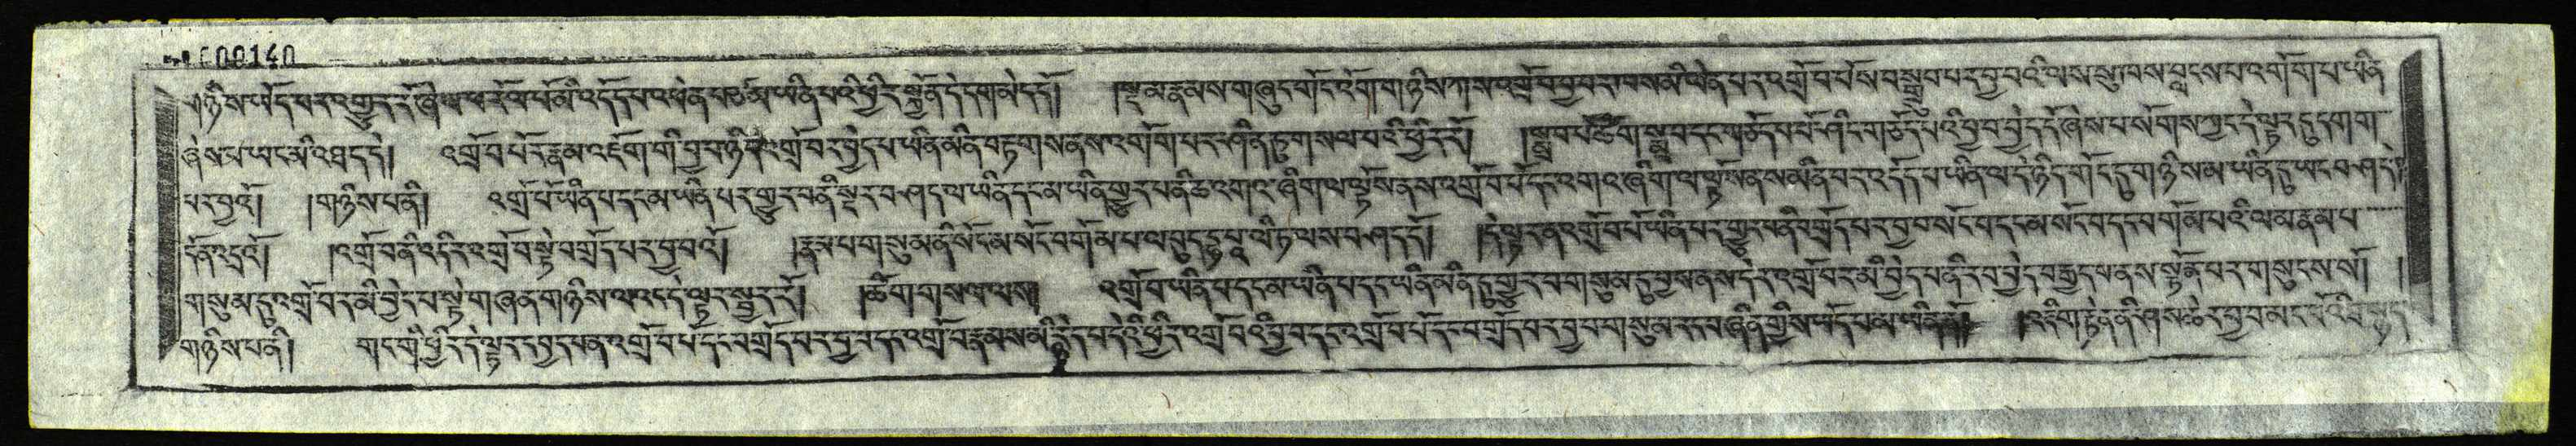གཉིས་ཡོད་པར་འགྱུར་རོ་ཞེས་ཕ་རོལ་པོ་མི་འདོད་པ་འཕེན་པ་ཙམ་ཡིན་པའི་ཕྱིར་སྐྱོན་དེ་དག་མེད་དོ། །སྔ་མ་རྣམས་གཞུང་གོང་འོག་གཉིས་ཀས་འགྲོ་བ་བྱ་བར་ཁས་མི་ལེན་པར་འགྲོ་བ་པོས་བསྒྲུབ་པར་བྱ་བའི་ལས་སུ་ཁས་བླངས་པ་འགོག་པ་ཡིན་
ཞེས་པ་ཡང་མི་འཐད་དེ། འགྲོ་བ་པོར་རྣམ་འཇོག་གི་བྱ་བ་ཉིད་འགྲོ་བར་བྱེད་པ་ཡིན་མིན་བརྟགས་ནས་འགོག་པར་ཤིན་ཏུ་གསལ་བའི་ཕྱིར་རོ། །སྨྲ་བ་པོ་ཚིག་སྨྲ་བ་དང་གཅོད་པ་པོ་ཤིང་གཅོད་པའི་བྱ་བ་བྱེད་དོ་ཞེས་པ་སོགས་ཀྱང་དེ་ལྟར་དུ་དགག་
པར་བྱའོ། །གཉིས་པ་ནི། འགྲོ་པོ་ཡིན་པ་དང་མ་ཡིན་པར་གྱུར་བ་ནི་སྔར་བཤད་ལ་ཡིན་དང་མ་ཡིན་གྱུར་པ་ནི་ཆ་འགའ་ཞིག་ལ་ལྟོས་ནས་འགྲོ་བ་པོ་དང་འགའ་ཞིག་ལ་ལྟོས་ནས་མིན་པར་འདོད་པ་ཡིན་ལ་དེ་ཉིད་གོང་དུ་གཉིས་མ་ཡིན་དུ་ཡང་བཤད་
དོན་འདྲའོ། །འགྲོ་བ་ནི་འདིར་འགྲོ་བ་སྟེ་བགྲོད་པར་བྱ་བའོ། །རྣམ་པ་གསུམ་ནི་སོང་མ་སོང་བགོམ་པ་ལ་བུད་དྷ་པཱ་ལི་ཏ་ལས་བཤད་དོ། །དེ་ལྟར་ན་འགྲོ་བ་པོ་ཡིན་པར་གྱུར་པ་ནི་བགྲོད་པར་བྱ་བ་སོང་བ་དང་མ་སོང་བ་དང་བགོམ་པའི་ལམ་རྣམ་པ་
གསུམ་དུ་འགྲོ་བར་མི་བྱེད་པ་སྟེ་གཞན་གཉིས་ལའང་དེ་ལྟར་སྦྱར་རོ། །ཚིག་གསལ་ལས། འགྲོ་བ་ཡིན་པ་དང་མ་ཡིན་པ་དང་ཡིན་མིན་དུ་གྱུར་པ་གསུམ་དུ་བྱས་ནས་དེར་འགྲོ་བར་མི་བྱེད་པ་ནི་རབ་བྱེད་བརྒྱད་པ་ནས་སྟོན་པར་གསུངས་སོ། །
གཉིས་པ་ནི། གང་གི་ཕྱིར་དེ་ལྟར་དཔྱད་པ་ན་འགྲོ་བ་པོ་དང་བགྲོད་པར་བྱ་བ་དང་འགྲོ་བ་རྣམས་མི་རྙེད་པ་དེའི་ཕྱིར་འགྲོ་བའི་བྱ་བ་དང་འགྲོ་བ་པོ་དང་བགྲོད་པར་བྱ་བ་གསུམ་རང་བཞིན་གྱིས་ཡོད་པ་མ་ཡིན་ནོ། །འཇིག་རྟེན་ནི་ཤས་ཆེར་བྱ་བ་མང་པོའི་ཐ་སྙད་